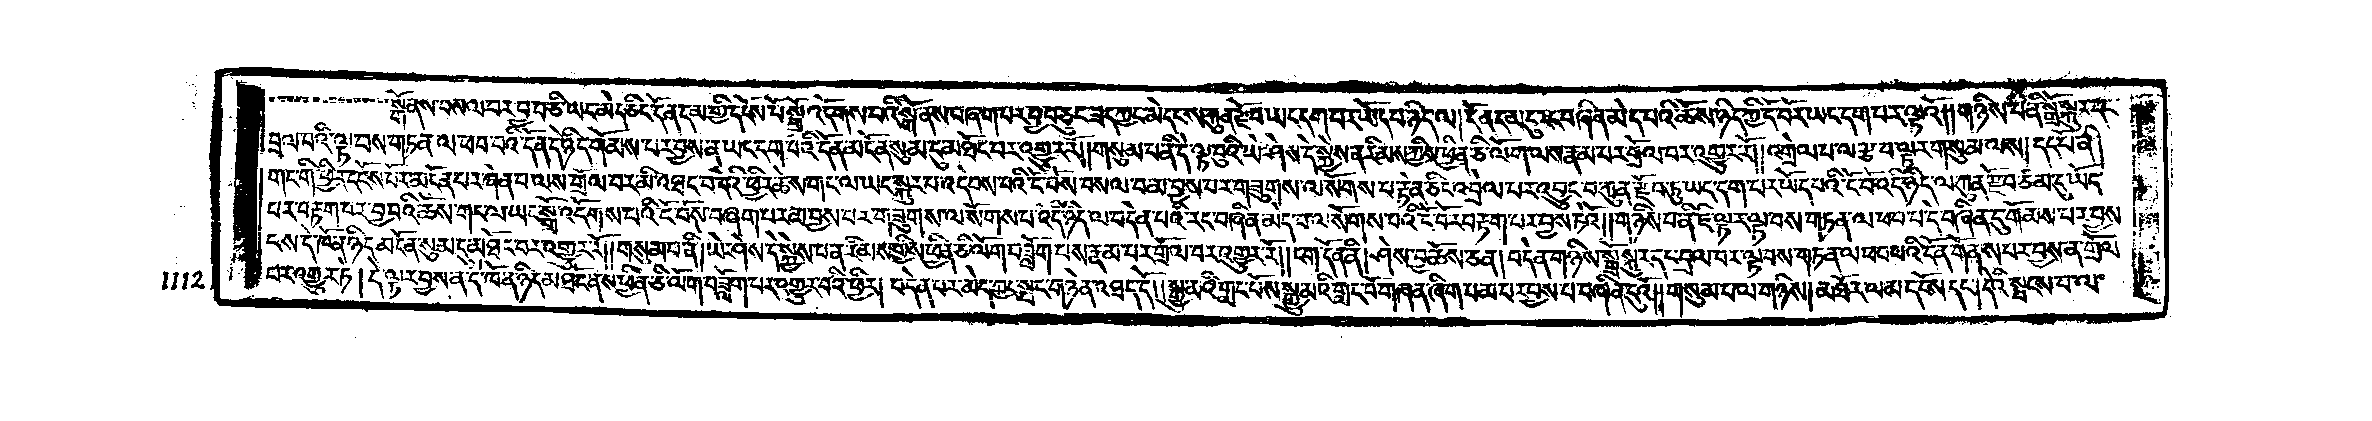སྒོ་ནས་བསལ་བར་བྱ་བ་ཅི་ཡང་མེད་ཅིང་དོན་དམ་གྱི་དངོས་པོ་སྒྲོ་འདོགས་པའི་སྒོ་ནས་བཞག་པར་བྱ་བ་ཅུང་ཟད་ཀྱང་མེད་པས་ཀུན་རྫོབ་ཡང་དག་པར་ཡོད་པ་ཉིད་ལ། དོན་དམ་དུ་རང་བཞིན་མེད་པའི་ཆོས་ཉིད་ཀྱི་ངོ་བོར་ཡང་དག་པར་ལྟའོ། །གཉིས་པ་ནི་སྒྲོ་སྐུར་དང་
བྲལ་བའི་ལྟ་བས་གཏན་ལ་ཕབ་བའི་དོན་དེ་ཉིད་གོམས་པར་བྱས་ན་ཡང་དག་པའི་དོན་མངོན་སུམ་དུ་མཐོང་བར་འགྱུར་རོ། །གསུམ་པ་ནི་དེ་ལྟ་བུའི་ཡེ་ཤེས་དེ་སྐྱེས་ན་རིམས་ཀྱིས་ཕྱིན་ཅི་ལོག་ལས་རྣམ་པར་གྲོལ་བར་འགྱུར་རོ། །འགྲེལ་པ་ལ་རྩ་བ་ལྟར་གསུམ་ལས། དང་པོ་ནི།
གང་གི་ཕྱིར་དངོས་པོར་མངོན་པར་ཞེན་པ་ལས་གྲོལ་བར་མི་འཐང་བ་དེའི་ཕྱིར་ཆེས་གང་ལ་ཡང་སྐུར་པ་འདེབས་པའི་ངོ་བོ་བསལ་བ་མ་བྱས་པར་གཟུགས་ལ་སོགས་པ་རྟེན་ཅིང་འབྲེལ་པར་འབྱུང་བ་ཀུན་རྫོབ་ཏུ་ཡང་དག་པར་ཡོད་པའི་ངོ་བོ་འདི་ཉིད་ལ་ཀུན་རྫོབ་ཙབ་དུ་ཡོད་
པར་བརྟག་པར་བྱ་བའི་ཆོས་གང་ལ་ཡང་སྒྲོ་འདོགས་པའི་ངོ་བོས་བཞག་པར་མ་བྱས་པར་གཟུགས་ལ་སོགས་པ་འདི་ཉིད་ལ་བདེན་པའི་རང་བཞིན་མེད་བ་ལ་སོགས་པའི་ངོ་བོར་བརྟག་པར་བྱས་ཏེའོ། །གཉིས་པ་ནི་ཇི་ལྟར་ལྟ་བས་གཏན་ལ་ཕབ་པ་དེ་བཞིན་དུ་གོམས་པར་བྱས་
ངས་དེ་ཁོ་ན་ཉིད་མངོན་སུམ་དུ་མཐོང་བར་འགྱུར་རོ། །གསུམ་པ་ནི། ཡེ་ཤེས་དེ་སྐྱེས་པ་ན་རིམས་གྱིས་ཕྱིན་ཅི་ལོག་བཟློག་པས་རྣམ་པར་གྲོལ་བར་འགྱུར་རོ། །ངག་དོན་ནི། ཤེས་བྱ་ཆོས་ཅན། བདེན་གཉིས་སྒྲོ་སྐུར་དང་བྲལ་བར་ལྟ་བས་གཏན་ལ་ཕབ་པའི་དོན་གོ་གནས་པར་བྱས་ན་གྲོལ་
བར་འགྱུར་ཏེ། དེ་ལྟར་བྱས་ན་དེ་ཁོ་ན་ཉིད་མཐོང་ནས་ཕྱིན་ཅི་ལོག་བཟློག་པར་འགྱུར་བའི་ཕྱིར། བདེན་པར་མེད་ཀྱང་སྤང་གཉེན་འཐད་དོ། །སྒྱུ་མའི་གླང་པོས་སྒྱུ་མའི་གླང་པོ་གཞན་ཞིག་ཕམ་པར་བྱས་པ་བཞིན་དུའོ། །གསུམ་པ་ལ་གཉིས། མཐོང་ལམ་དངོས་དང་། དེའི་སྤངས་པ་ལ་